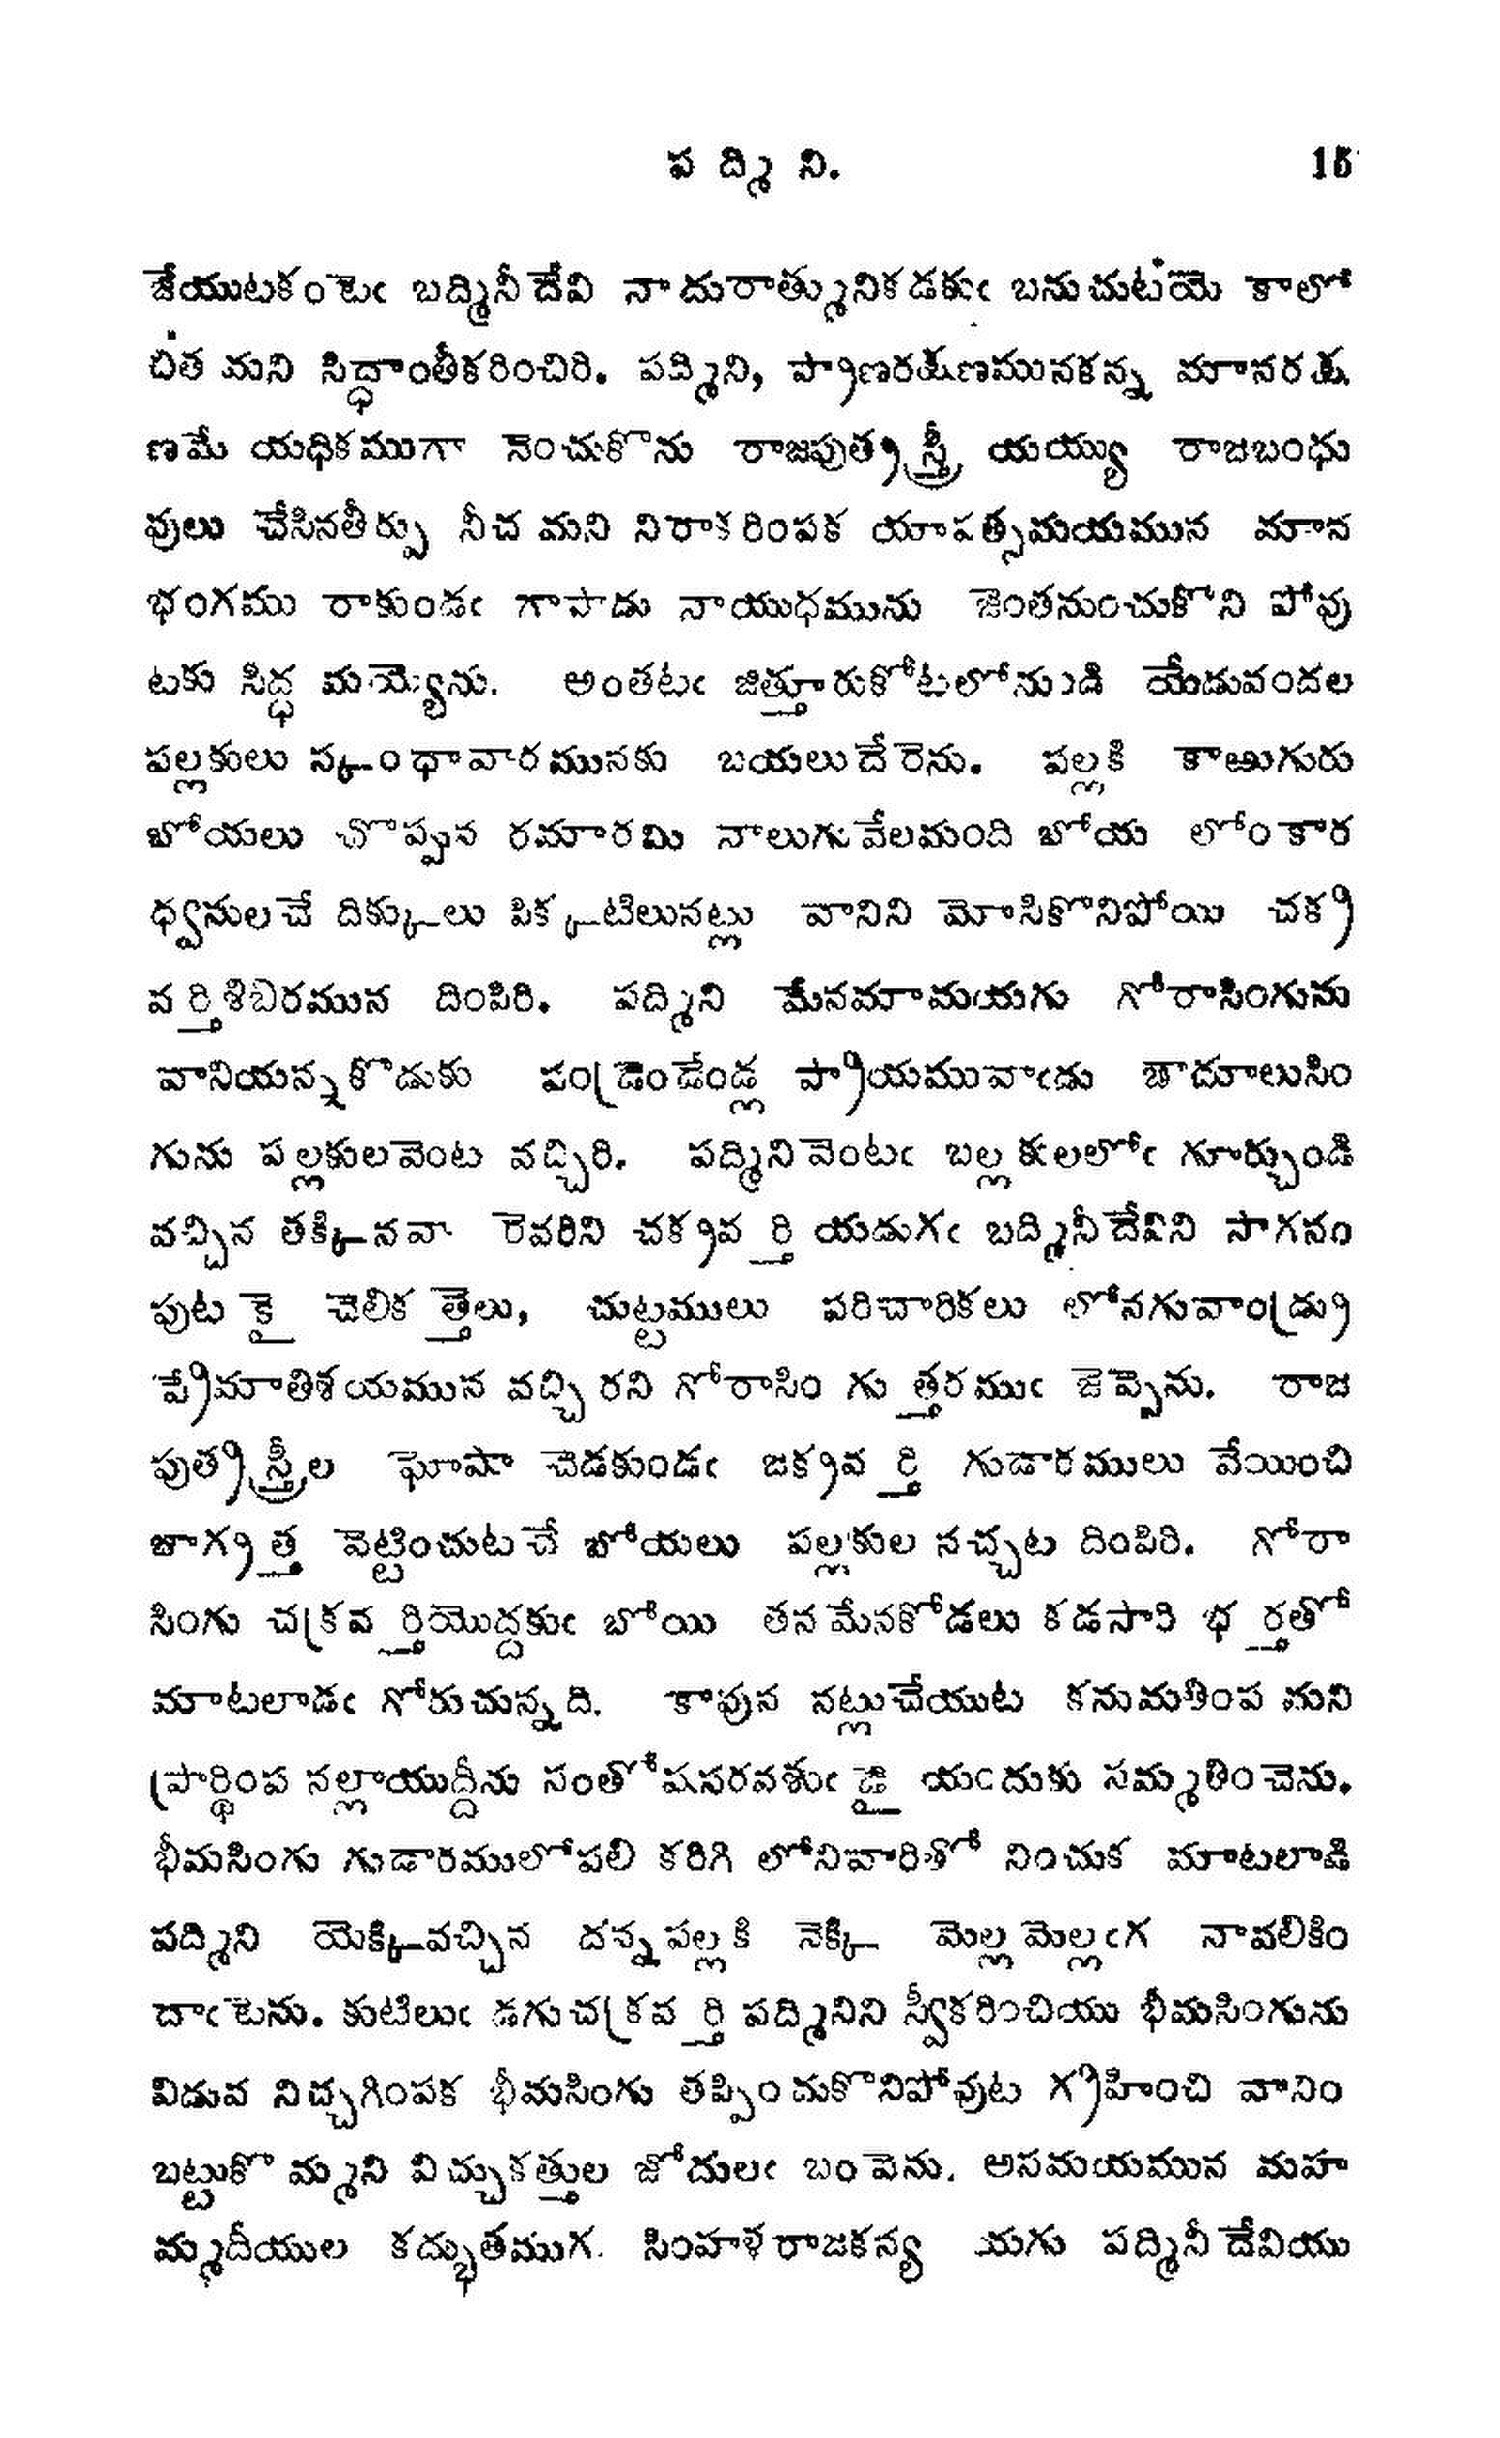జేయుటకంటెఁ బద్మినీదేవి నాదురాత్మునికడకుఁ బనుచుటయే కాలోచిత మని సిద్ధాంతీకరించిరి. పద్మిని, ప్రాణరక్షణమునకన్న మానరక్షణమే యధికముగా నెంచుకొను రాజపుత్ర, స్త్రీ యయ్యు రాజబంధువులు చేసినతీర్పు నీచమని నిరాకరింపక యాపత్సమయమున మానభంగము రాకుండఁ గాపాడు నాయుధమును జెంతనుంచుకొని పోవుటకు సిద్ధ మయ్యెను. అంతటఁ జిత్తూరుకోటలోనుండి యేడువందల పల్లకులు స్కంధావారమునకు బయలు దేరెను. పల్లకి కాఱుగురు బోయలు చొప్పున రమారమి నాలుగు వేలమంది బోయ లోంకార ధ్వనులచే దిక్కులు పిక్కటిలునట్లు దానిని మోసికొనిపోయి చక్రవర్తి శిబిరమున దింపిరి. పద్మిని మేనమామయగు గోరాసింగును వానీయన్న కొడుకు పండ్రెండేండ్ల ప్రాయమువాఁడు బాదూలుసింగును పల్లకుల వెంట వచ్చిరి. పద్మిని వెంటఁ బల్లకులలో గూర్చుండివచ్చిన తక్కినవా రెవరిని చక్రవ ర్తి యడుగఁ బద్మినీ దేవిని సాగనంపుట కై చెలికత్తెలు, చుట్టములు పరిచారికలు లోనగువాండ్రు "ప్రేమాతిశయమున వచ్చిరని గోరాసిం గుత్తరముఁ జెప్పెను. రాజపుత్ర స్త్రీల ఘోషా చెడకుండఁ జక్రవర్తి గుడారములు వేయించి
జాగ్రత్త పెట్టించుట చే బోయలు పల్లకుల నచ్చట దింపిరి. గోరాసింగు చక్రవర్తియొద్దకుఁ బోయి తన మేనకోడలు కడసారి భర్తతో మాటలాడఁ గోరుచున్నది. కావున నట్లు చేయుట కనుమతింపమని ప్రార్థింప నల్లాయుద్దీను సంతోషపరవశుఁ డై యఁదుకు సమ్మతించెను. భీమసింగు గుడారములోపలి కరిగి లోని వారితో నించుక మాటలాడి పద్మిని యెక్కి వచ్చిన దన్న పల్లకి నెక్కి మెల్ల మెల్లఁగ నావలికిం దాఁటెను. కుటిలుఁ డగు చక్రవర్తి పద్మినిని స్వీకరించియు భీమసింగును విడువ నిచ్చగింపక భీమసింగు తప్పించుకొనిపోవుట గ్రహించి వానిం
బట్టుకొమ్మని విచ్చుకత్తుల జోదులఁ బంపెను. అసమయమున మహమ్మదీయుల కద్భుతముగ. సింహళ రాజకన్య యగు పద్మినీ దేవియు